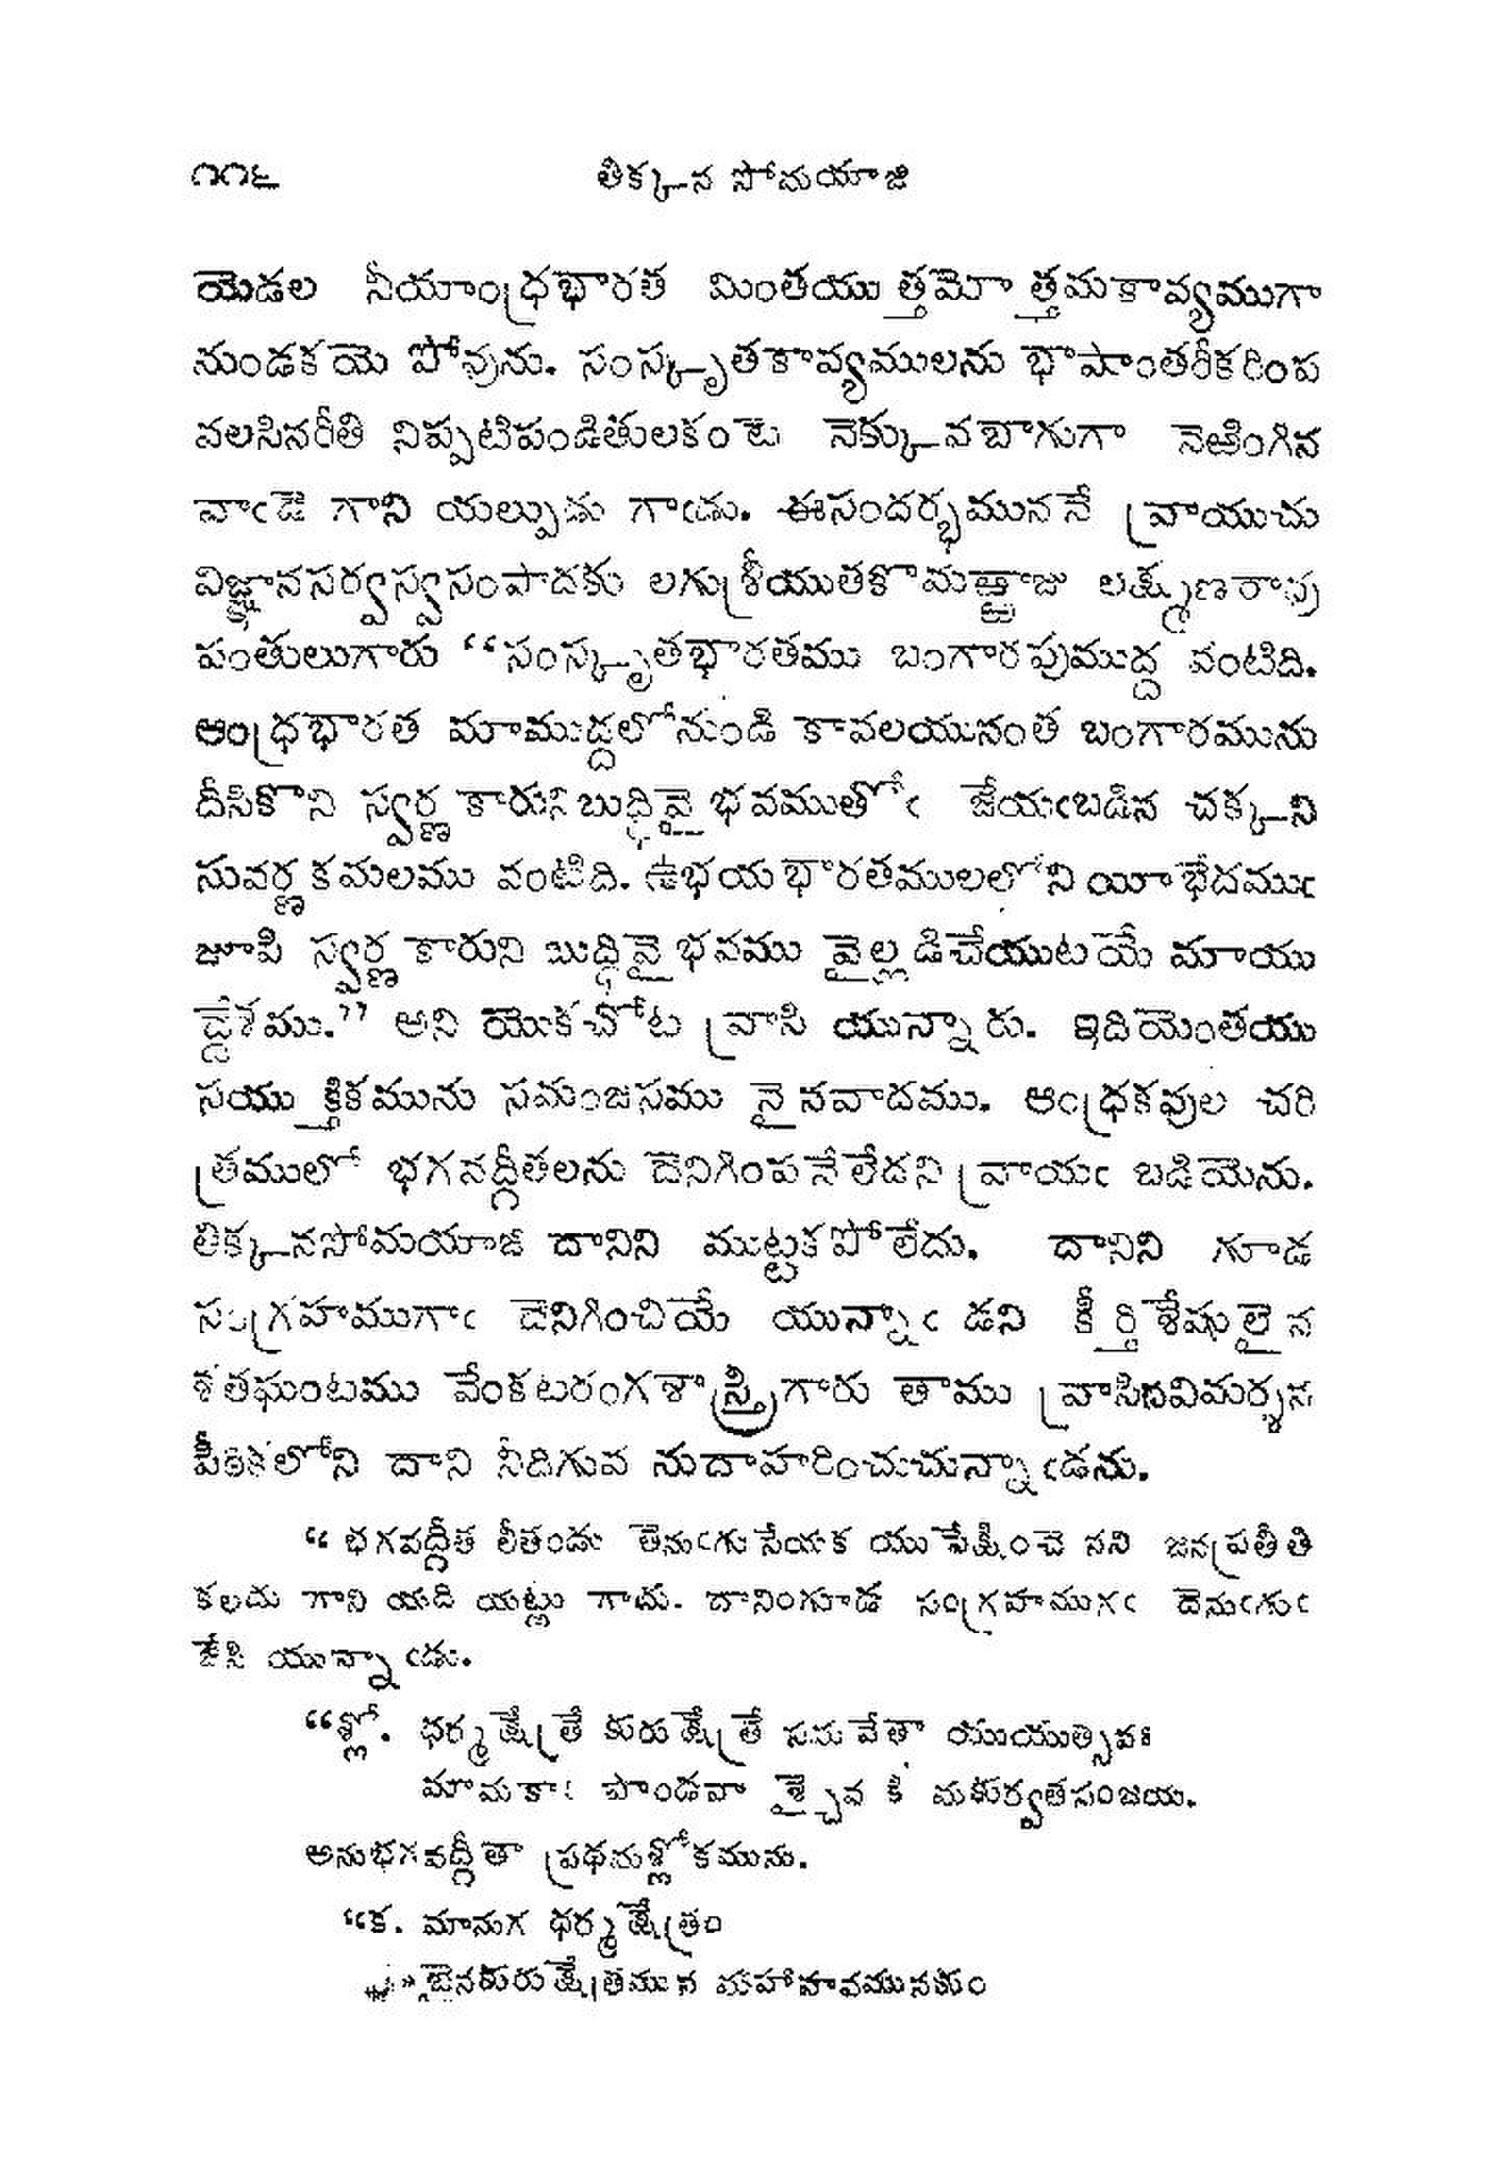యెడల నీయాంధ్రభారత మింతయుత్తమోత్తమకావ్యముగా నుండకయె పోవును. సంస్కృత కావ్యములను భాషాంతరీకరింప వలసినరీతి నిప్పటిపండితులకంటె నెక్కువబాగుగా నెఱింగిన వాఁడె గాని యల్పుడు గాఁడు. ఈసందర్భముననే వ్రాయుచు విజ్ఞానసర్వస్వసంపాదకు లగు శ్రీయుతకొమఱ్ఱాజు లక్ష్మణరావు పంతులుగారు "సంస్కృతభారతము బంగారపుముద్ద వంటిది. ఆంధ్రభారత మాముద్దలోనుండి కావలయునంత బంగారమును దీసికొని స్వర్ణ కారునిబుద్ధి వైభవముతోఁ జేయఁబడిన చక్కని సువర్ణకమలము వంటిది. ఉభయభారతములలోని యీభేదముఁ జూపి స్వర్ణకారుని బుద్ధివైభవము వెల్లడిచేయుటయే మాయుద్దేశము." అని యొకచోట వ్రాసి యున్నారు. ఇదియెంతయు సయుక్తికమును సమంజసము నైనవాదము. ఆంధ్రకవుల చరిత్రములో భగవద్గీతలను దెనిగింపనేలేదని వ్రాయఁ బడియెను. తిక్కనసోమయాజి దానిని ముట్టకపోలేదు. దానిని గూడ సంగ్రహముగాఁ దెనిగించియే యున్నాఁ డని కీర్తిశేషులైన శతఘంటము వేంకటరంగశాస్త్రిగారు తాము వ్రాసిన విమర్శనపీఠికలోని దాని నీదిగువ నుదాహరించుచున్నాఁడను.

"భగవద్గీత లీతండు తెనుఁగుసేయక యుపేక్షించె నని జనప్రతీతి కలదు గాని యది యట్లు గాదు. దానింగూడ సంగ్రహముగఁ దెనుఁగుఁ జేసి యున్నాఁడు. 

"శ్లో. ధర్మక్షేత్రే కురుక్షేత్రే సమవేతా యుయుత్సావః
 మామకా! పొండవా శ్చైవ కీ మకుర్వతసంజయ. 

అనుభగవద్గీతా ప్రథమశ్లోకమును. 

"క. మానుగ ధర్మక్షేత్రం
 బైనకురుక్షేత్రమున మహాహవమునకుం